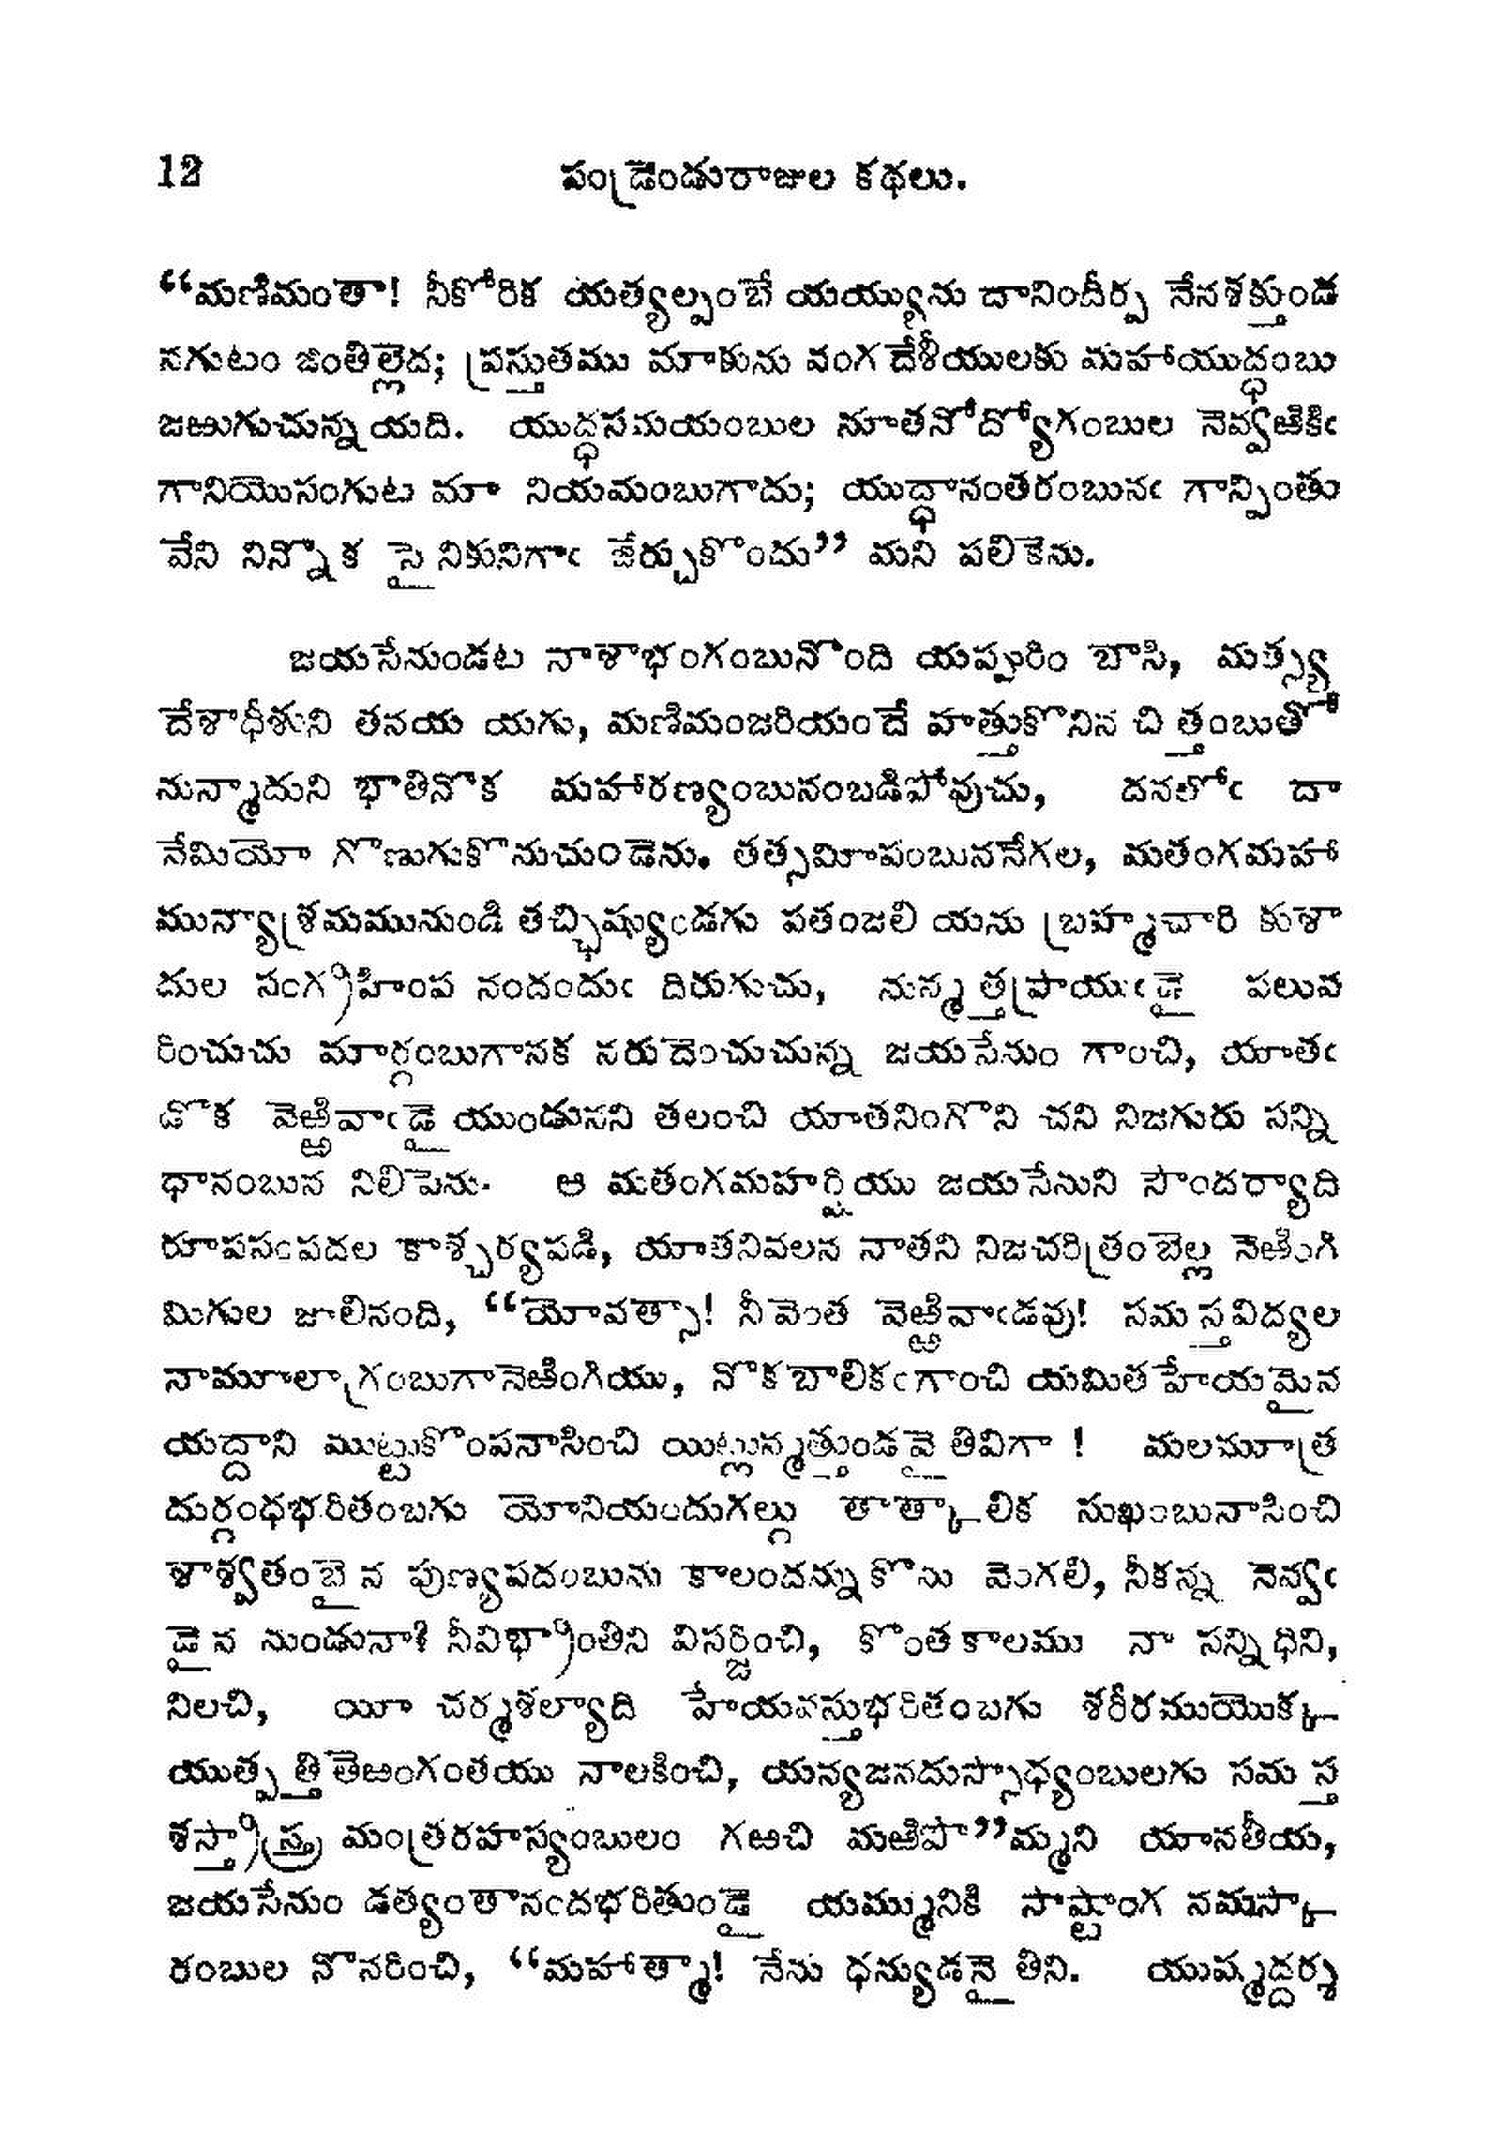“మణిమంతా! నీకోరిక యత్యల్పంబే యయ్యును దానిందీర్ప నేనశక్తుండ నగుటం జింతిల్లెద; ప్రస్తుతము మాకును వంగ దేశీయులకు మహాయుద్ధంబు జఱుగుచున్నయది. యుద్ధ సమయంబుల నూతనోద్యోగంబుల నెవ్వఱికిఁ గానియొసంగుట మా నియమంబుగాదు; యుద్ధానంతరంబునఁ గాన్పింతు వేని నిన్నొక సైనికునిగాఁ జేర్చుకొందు" మని పలికెను.

జయసేనుండట నాశాభంగంబునొంది యప్పురిం బాసి, మత్స్య దేశాధీశుని తనయ యగు, మణిమంజరియందే హత్తుకొనిస చిత్తంబుతో
నున్మాదుని భాతినొక మహారణ్యంబునంబడిపోవుచు, దనలోఁ దానేమియో గొణుగుకొనుచుండెను. తత్సమీపంబుననేగల, మతంగమహా
మున్యాశ్రమమునుండి తచ్ఛిష్యుఁడగు పతంజలి యను బ్రహ్మచారి కుశాదుల సంగ్రహింప నందందుఁ దిరుగుచు, నున్మత్త ప్రాయుఁడై పలువరించుచు మార్గంబుగానక నరుదెంచుచున్న జయసేనుం గాంచి, యాతఁడొక వెఱ్ఱివాఁడై యుండునని తలంచి యాతనింగొని చని నిజగురు సన్నిధానంబున నిలిపెను. ఆ మతంగమహర్షియు జయసేనుని సౌందర్యాది రూపసంపదల కాశ్చర్యపడి, యాతనివలస నాతని నిజచరిత్రం బెల్ల నెఱింగి మిగుల జూలినంది, "యోవత్సా! నీ వెంత వెట్టివాఁడవు! సమస్త విద్యల నామూలాగ్రంబుగా నెఱింగియు, నొక బాలికఁ గాంచి యమిత హేయమైన యద్దాని ముట్టుకొంపనాసించి యిట్లున్మతుండవైతివిగా ! మలమూత్ర దుర్గంధభరితంబగు యోనియందుగల్గు తాత్కాలిక సుఖంబునాసించి శాశ్వతం బైన పుణ్యపదంబును కాలందన్నుకొను వెంగలి, నీకన్న నెవ్వఁడైన నుండునా?
నీవిబ్రాంతిని విసర్జించి, కొంత కాలము నా సన్నిధిని, నిలచి, యీ చర్మశల్యాది హేయవస్తుభరితంబగు శరీరముయొక్క యుత్పత్తి తేఱంగంతయు నాలకించి, యన్యజనదుస్సాధ్యంబులగు సమస్త శస్త్రాస్త్ర మంత్ర రహస్యంబులం గఱచి మతిపొ"మ్మని యానతీయ,
జయసేనుం డత్యంతానందభరితుండై యమ్మునికి సాష్టాంగ నమస్కారంబుల నొనరించి, “మహాత్మా! నేను ధన్యుడనైతిని. యుష్మద్దర్శ